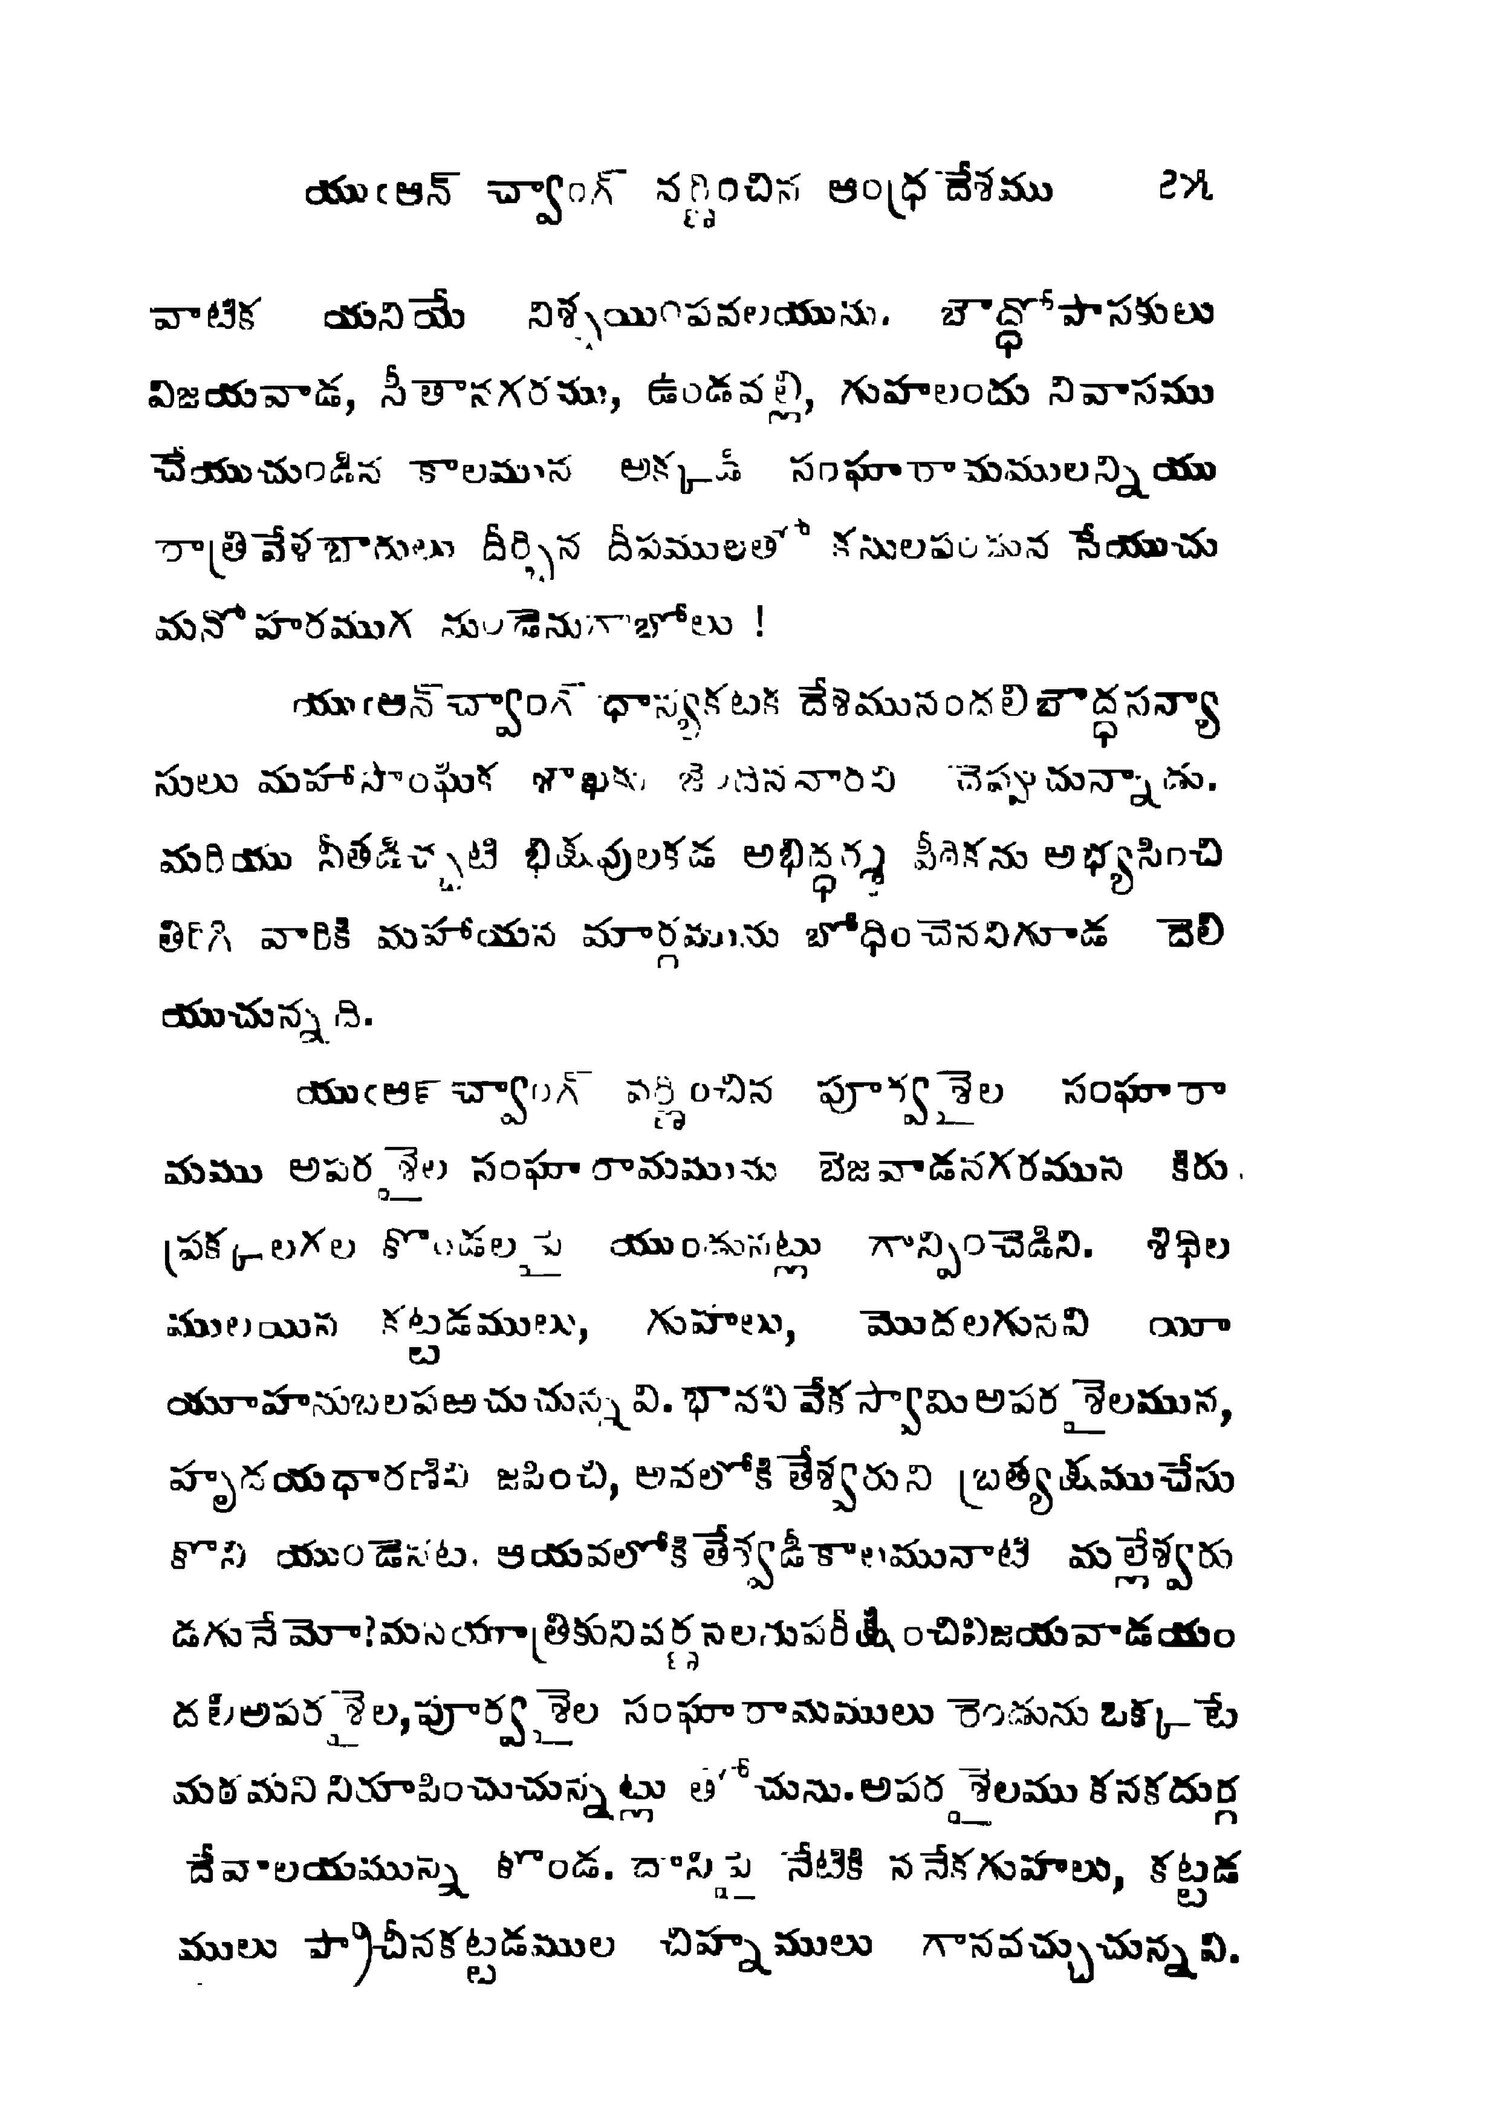వాటిక యనియే నిశ్చయింపవలయును. బౌద్ధోపాసకులు విజయవాడ, సీతానగరము, ఉండవల్లి, గుహలందు నివాసము చేయుచుండిన కాలమున అక్కడి సంఘారామములన్నియు రాత్రివేళబారులు దీర్చిన దీపములతో కనులపండువ సేయుచు మనోహరముగ నుండెనుగాబోలు!

యు ఆన్ చ్వాంగ్ ధాన్యకటక దేశమునందలి బౌద్ధసన్యాసులు మహాసాంఘిక శాఖకు జెందినవారని చెప్పుచున్నాడు. మరియు నీతడిచ్చటి భిక్షవులకడ అభిధర్మ పీఠికను అభ్యసించి తిరిగి వారికి మహాయన మార్గమును బోధించెననిగూడ దెలియుచున్నది.

యుఆన్‌ చ్వాంగ్ వర్ణించిన పూర్వశైల సంఘారామము అపరశైల సంఘారామమును బెజవాడనగరమున కిరుప్రక్కలగల కొండలపై యుండునట్లు గాన్పించెడిని. శిథిలములయిన కట్టడములు, గుహలు, మొదలగునవి యీ యూహనుబలపఱచుచున్నవి. భావవివేకస్వామి అపరశైలమున, హృదయధారణిని జపించి, అవలోకితేశ్వరుని బ్రత్యక్షముచేసుకొని యుండెనట. ఆయవలోకితేశ్వడీకాలమునాటి మల్లేశ్వరుడగునేమో? మన యాత్రికుని వర్ణనలపరీక్షించి విజయవాడ యందలి అపరశైల, పూర్వశైల సంఘారామములు రెండును ఒక్కటే మఠమని నిరూపించుచున్నట్లు తోచును. అపరశైలము కనకదుర్గ దేవాలయమున్న కొండ. దానిపై నేటికి ననేకగుహలు, కట్టడములు ప్రాచీనకట్టడముల చిహ్నములు గానవచ్చుచున్నవి.